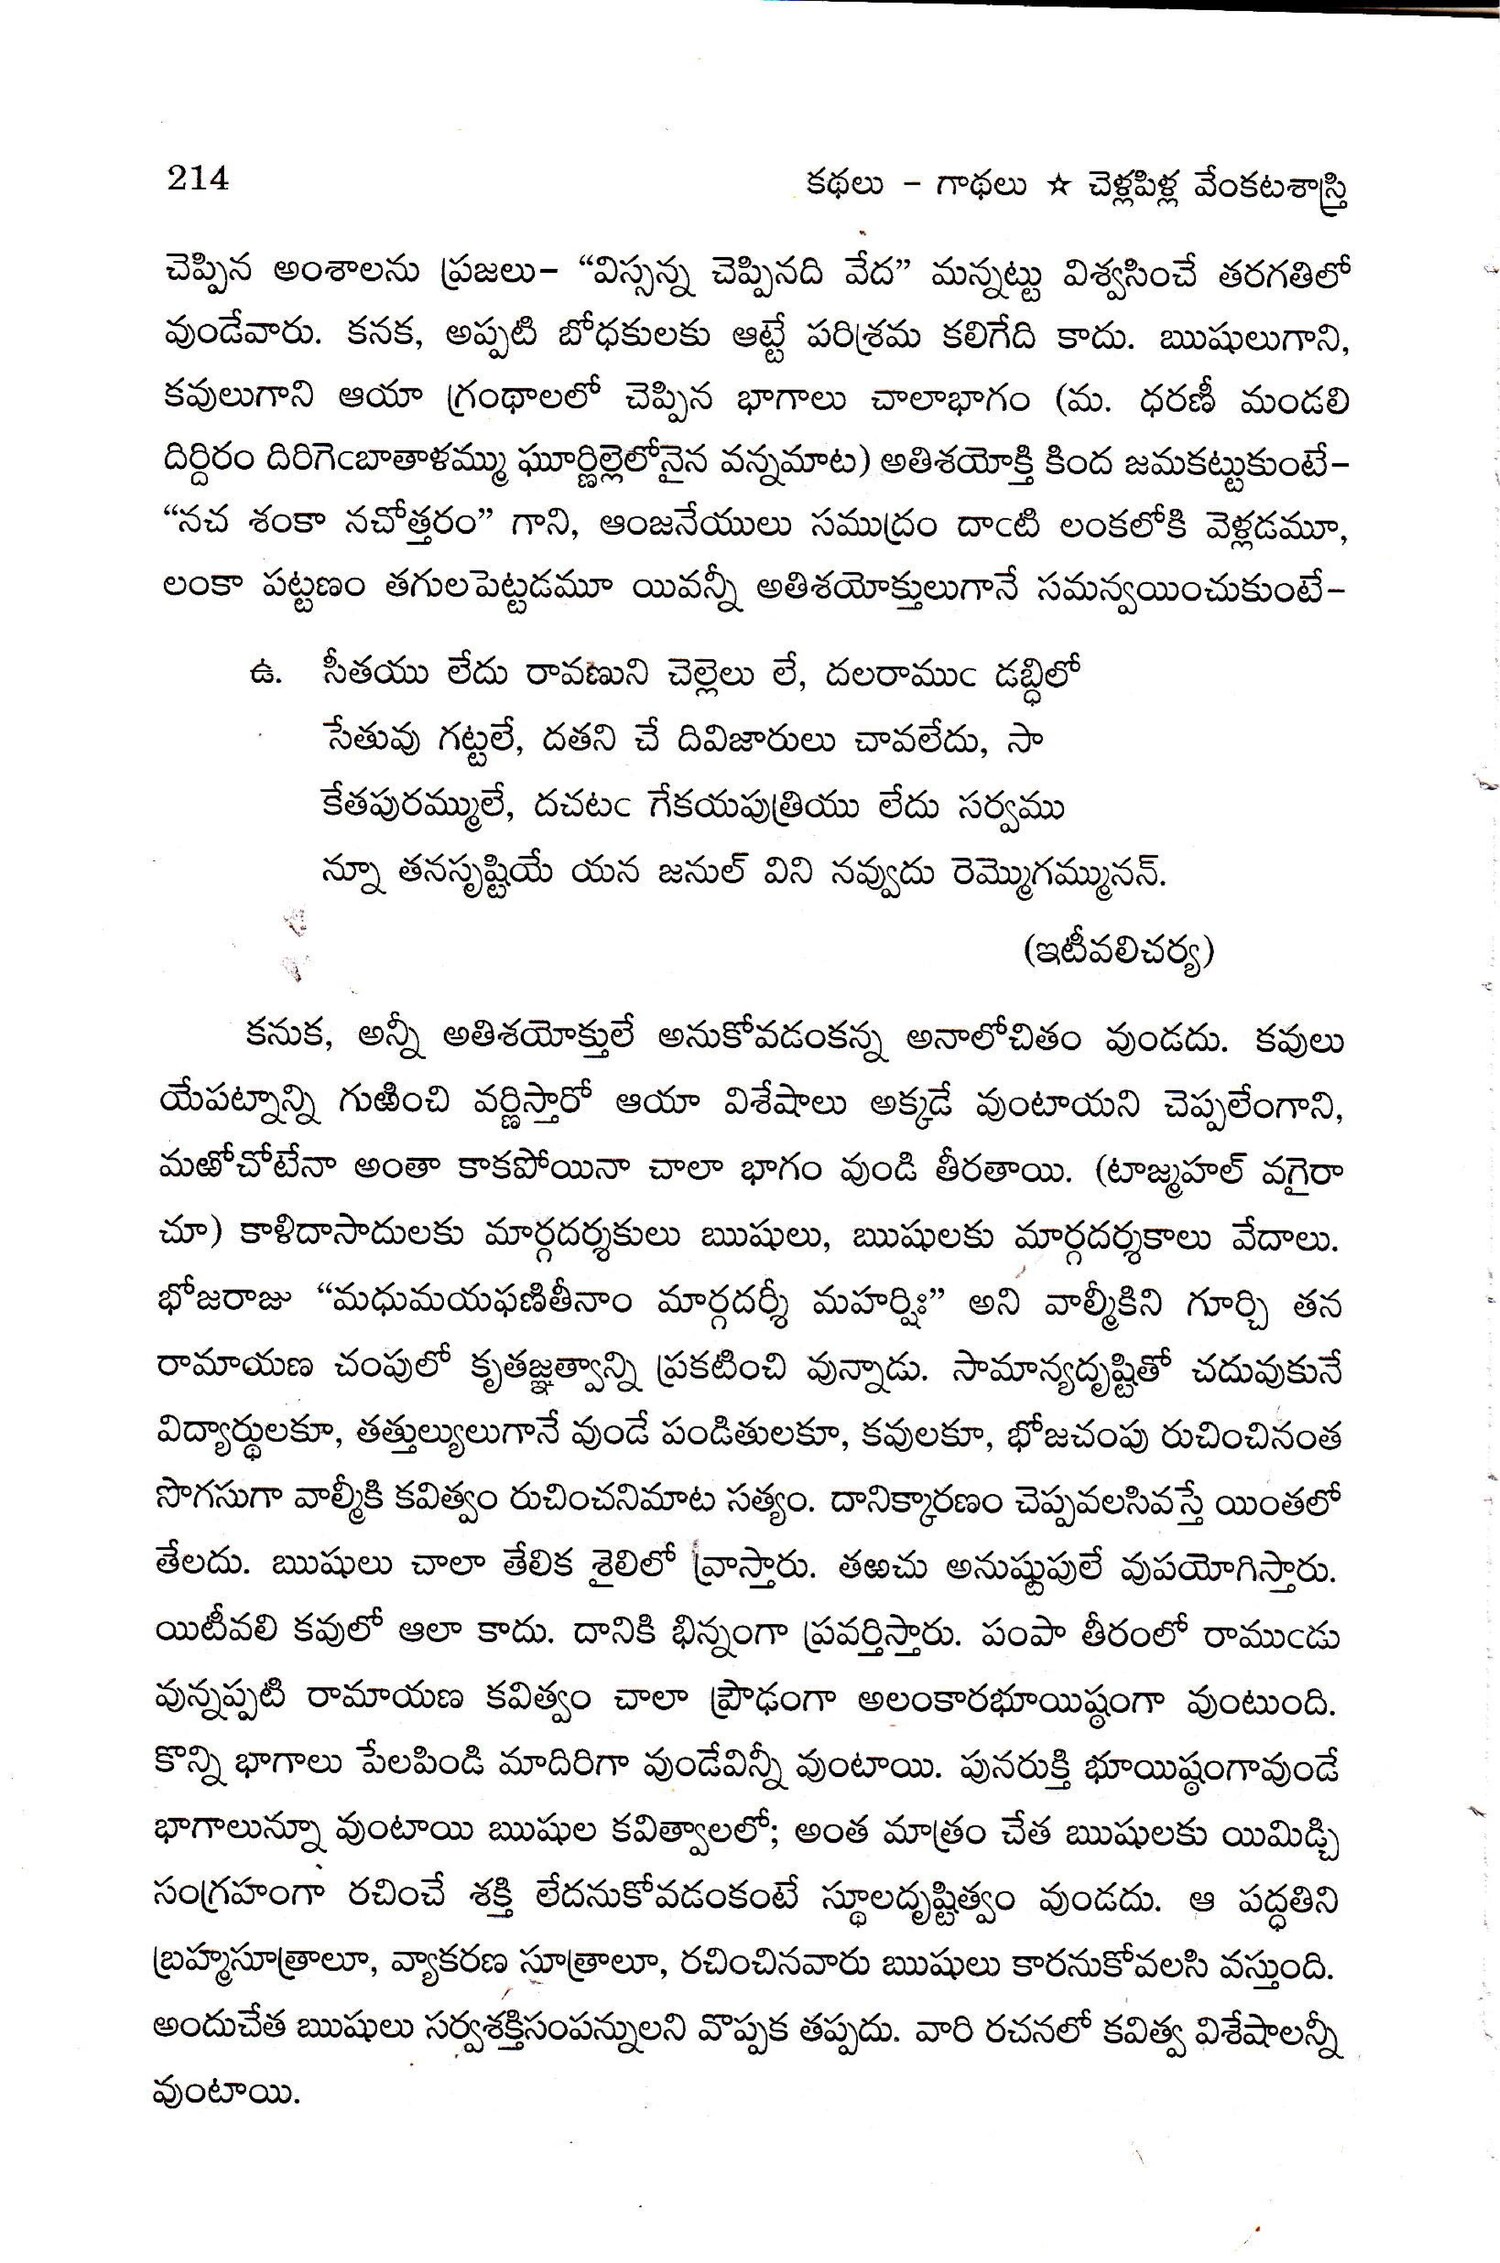చెప్పిన అంశాలను ప్రజలు- “విస్సన్న చెప్పినది వేద” మన్నట్టు విశ్వసించే తరగతిలో వుండేవారు. కనక, అప్పటి బోధకులకు ఆట్టే పరిశ్రమ కలిగేది కాదు. ఋషులుగాని, కవులుగాని ఆయా గ్రంథాలలో చెప్పిన భాగాలు చాలాభాగం (మ. ధరణీ మండలి దిర్దిరం దిరిగెఁబాతాళమ్ము ఘూర్ణిల్లెలోనైన వన్నమాట) అతిశయోక్తి కింద జమకట్టుకుంటే“నచ శంకా నచోత్తరం” గాని, ఆంజనేయులు సముద్రం దాఁటి లంకలోకి వెళ్లడమూ, లంకా పట్టణం తగులపెట్టడమూ యివన్నీ అతిశయోక్తులుగానే సమన్వయించుకుంటే

ఉ. సీతయు లేదు రావణుని చెల్లెలు లే, దలరాముఁ డబ్దిలో
 సేతువు గట్టలే, దతని చే దివిజారులు చావలేదు, సా 
 కేతపురమ్ములే, దచటఁ గేకయపుత్రియు లేదు సర్వము 
 న్నూ తనసృష్టియే యన జనుల్ విని నవ్వుదు రెమ్మొగమ్మునన్.
 (ఇటీవలిచర్య)
కనుక, అన్నీ అతిశయోక్తులే అనుకోవడంకన్న అనాలోచితం వుండదు. కవులు యేపట్నాన్ని గుఱించి వర్ణిస్తారో ఆయా విశేషాలు అక్కడే వుంటాయని చెప్పలేంగాని, మఱోచోటేనా అంతా కాకపోయినా చాలా భాగం వుండి తీరతాయి. (టాజ్మహల్ వగైరా చూ) కాళిదాసాదులకు మార్గదర్శకులు ఋషులు, ఋషులకు మార్గదర్శకాలు వేదాలు. భోజరాజు “మధుమయఫణితీనాం మార్గదర్శీ మహర్షి” అని వాల్మీకిని గూర్చి తన రామాయణ చంపులో కృతజ్ఞత్వాన్ని ప్రకటించి వున్నాడు. సామాన్యదృష్టితో చదువుకునే విద్యార్థులకూ, తత్తుల్యులుగానే వుండే పండితులకూ, కవులకూ, భోజచంపు రుచించినంత సొగసుగా వాల్మీకి కవిత్వం రుచించనిమాట సత్యం. దానిక్కారణం చెప్పవలసివస్తే యింతలో తేలదు. ఋషులు చాలా తేలిక శైలిలో వ్రాస్తారు. తఱచు అనుష్టుపులే వుపయోగిస్తారు. యిటీవలి కవులో ఆలా కాదు. దానికి భిన్నంగా ప్రవర్తిస్తారు. పంపా తీరంలో రాముఁడు వున్నప్పటి రామాయణ కవిత్వం చాలా ప్రౌఢంగా అలంకారభూయిష్టంగా వుంటుంది. కొన్ని భాగాలు పేలపిండి మాదిరిగా వుండేవిన్నీ వుంటాయి. పునరుక్తి భూయిష్ఠంగావుండే భాగాలున్నూ వుంటాయి ఋషుల కవిత్వాలలో అంత మాత్రం చేత ఋషులకు యిమిడ్చి సంగ్రహంగా రచించే శక్తి లేదనుకోవడంకంటే స్థూలదృష్టిత్వం వుండదు. ఆ పద్ధతిని బ్రహ్మసూత్రాలూ, వ్యాకరణ సూత్రాలూ, రచించినవారు ఋషులు కారనుకోవలసి వస్తుంది. అందుచేత ఋషులు సర్వశక్తిసంపన్నులని వొప్పక తప్పదు. వారి రచనలో కవిత్వ విశేషాలన్నీ వుంటాయి. ... "